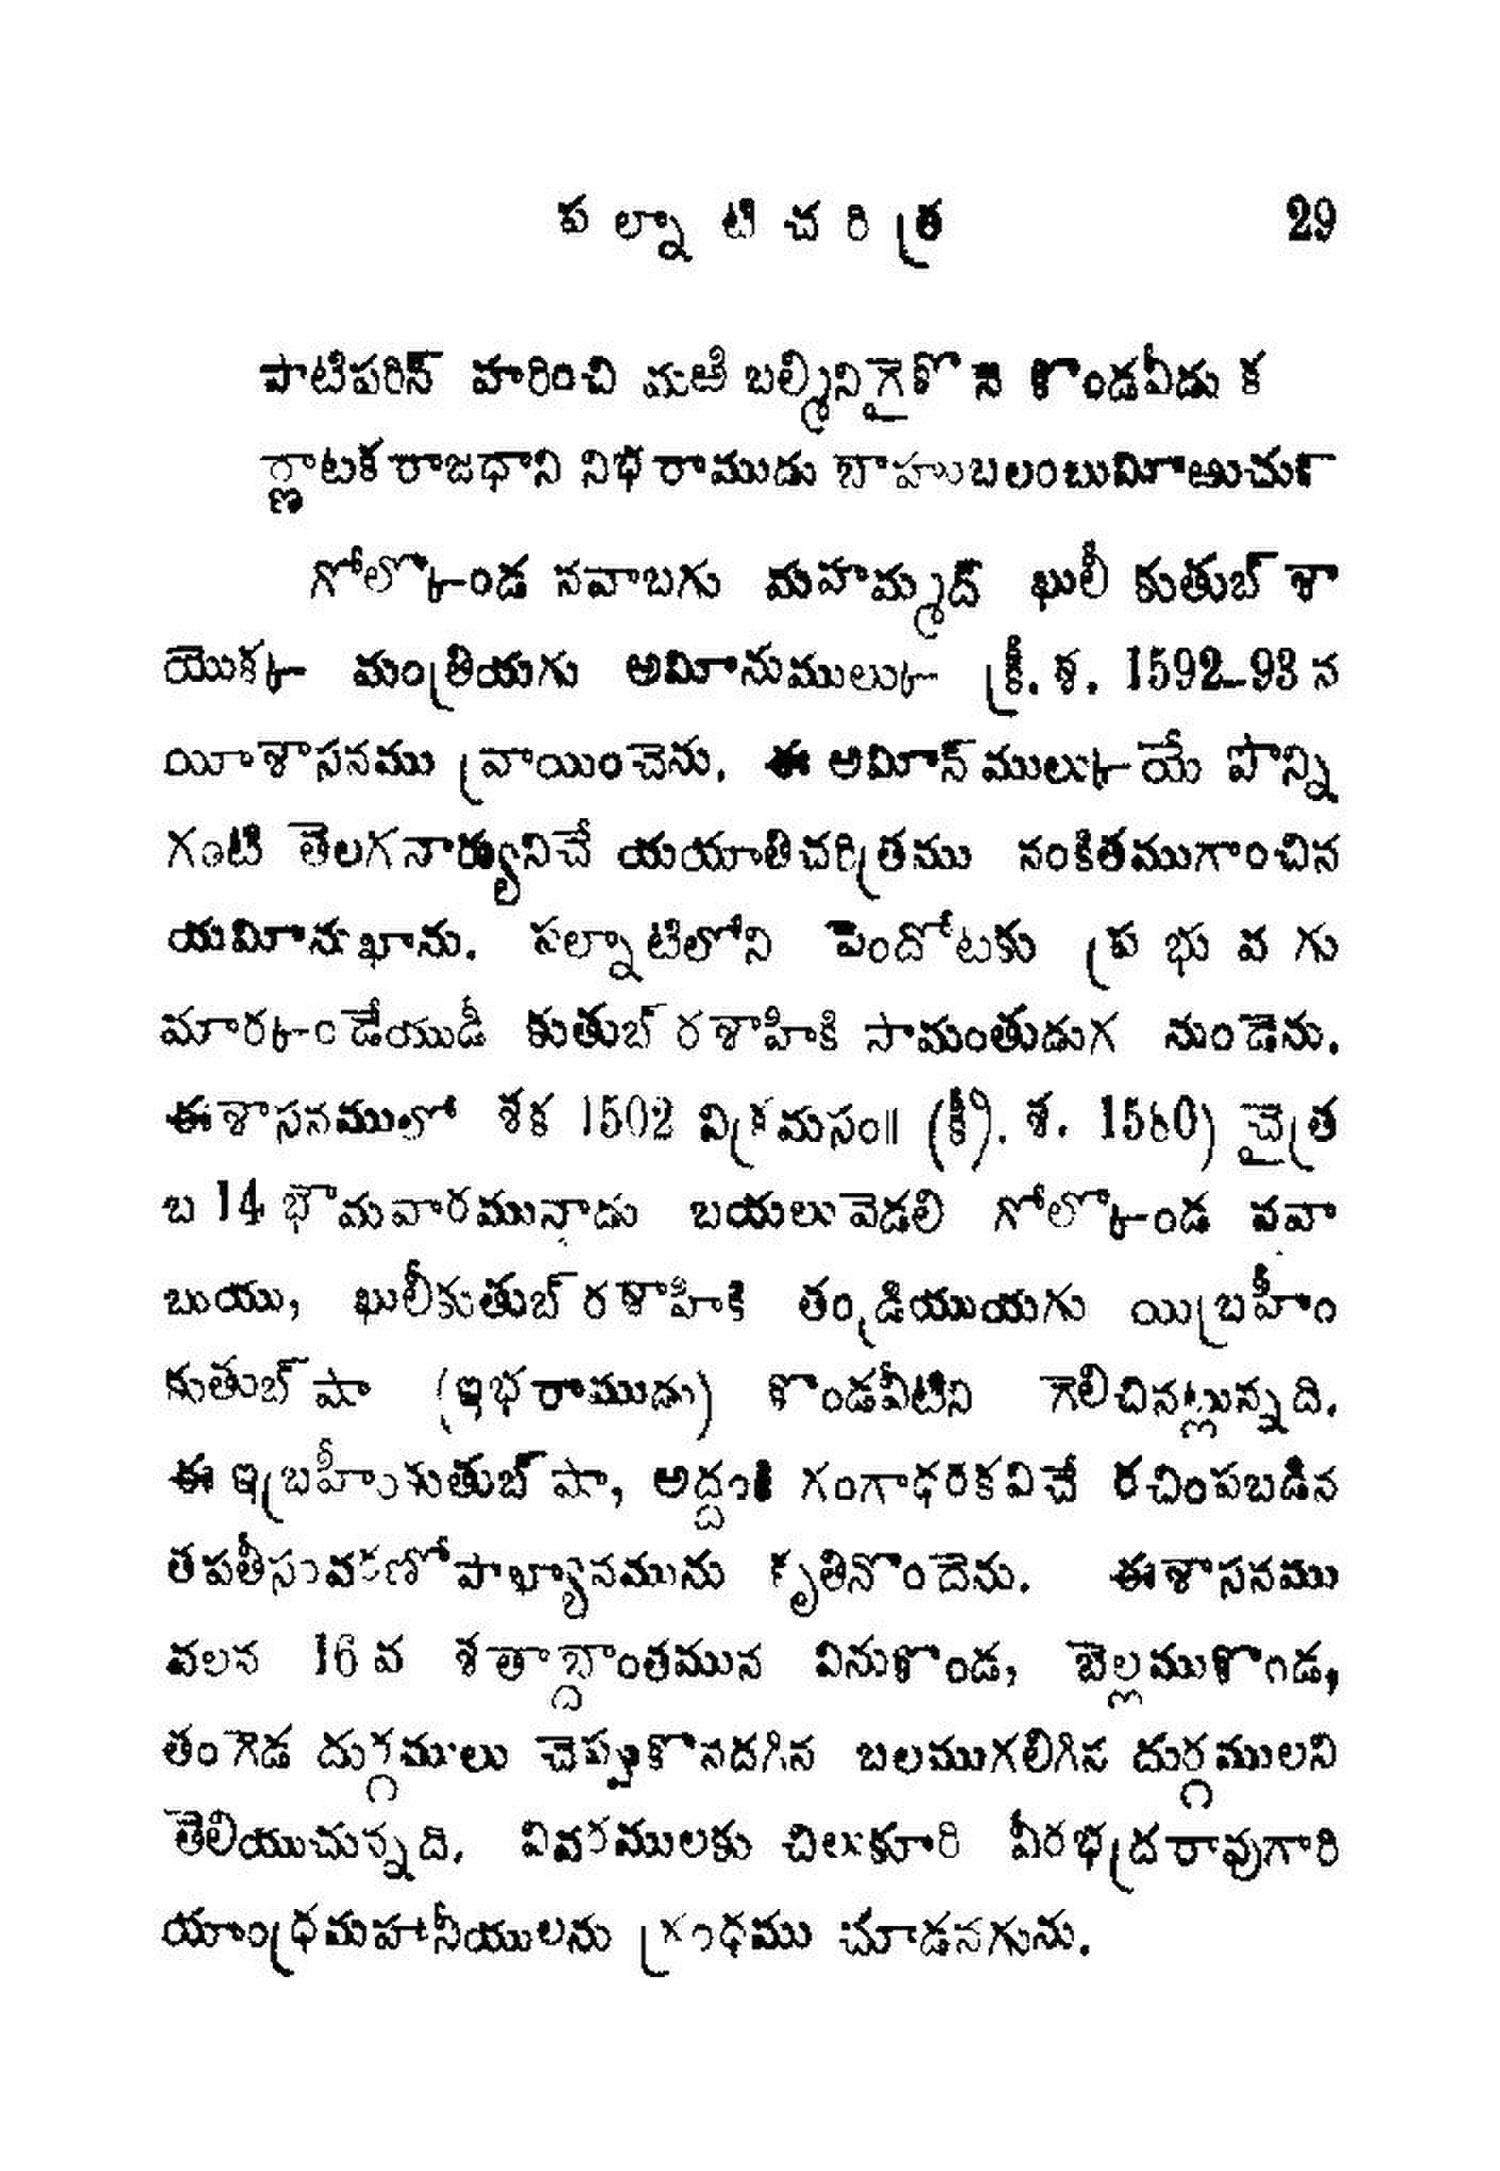పాటిపరిన్ హరించి మఱి బల్మిని గైకొని కొండవీడు క
 ర్ణాటక రాజధాని నిభరాముడు బాహుబలంబుమీఱుచున్ 

గోల్కొండ నవాబగు మహమ్మద్ ఖులీ కుతుబ్ శా
యొక్క మంత్రియగు అమీనుముల్కు క్రీ.శ. 1592-93 న
యీశాసనము వ్రాయించెను, ఈ అమీన్ ముల్కుయే పొన్నిగంటి 
తెలగనార్యునిచే యయాతి చరిత్రము నంకితముగాంచిన
యమీనుఖాను. పల్నాటిలోని పెందోటకు ప్ర భు వ గు
మార్కండేయుడీ కుతుబ్ రశాహికి సామంతుడుగ నుండెను.
ఈ శాసనములో శక 1502 విక్రమసం॥ (క్రీ.శ. 1580) చైత్ర
బ 14 భౌమవారమునాడు బయలు వెడలి గోల్కొండ నవాబుయు, 
ఖులీకుతుబ్ రశాహీకి తండ్రియుయగు యిబ్రహీంకుతుబ్ 
(ఇభరాముడు) కొండవీటిని గెలిచినట్లున్నది.

ఈ ఇబ్రహీంకుతుబ్ షా, అద్దంకి గంగాధర కవిచే రచింపబడిన
తపతీసంువరణోపాఖ్యానమును కృతినొందెను. ఈశాసనము
వలన 16వ శతాబ్దాంతమున వినుకొండ, బెల్లముకొండ,
తంగెడ దుగ్గములు చెప్పుకొనదగిన బలముగలిగిన దుర్గములని
తెలియుచున్నది. వివరములకు చిలుకూరి వీరభద్రరావుగారి
యాంధ్రమహానీయులను గ్రంధము చూడనగును.